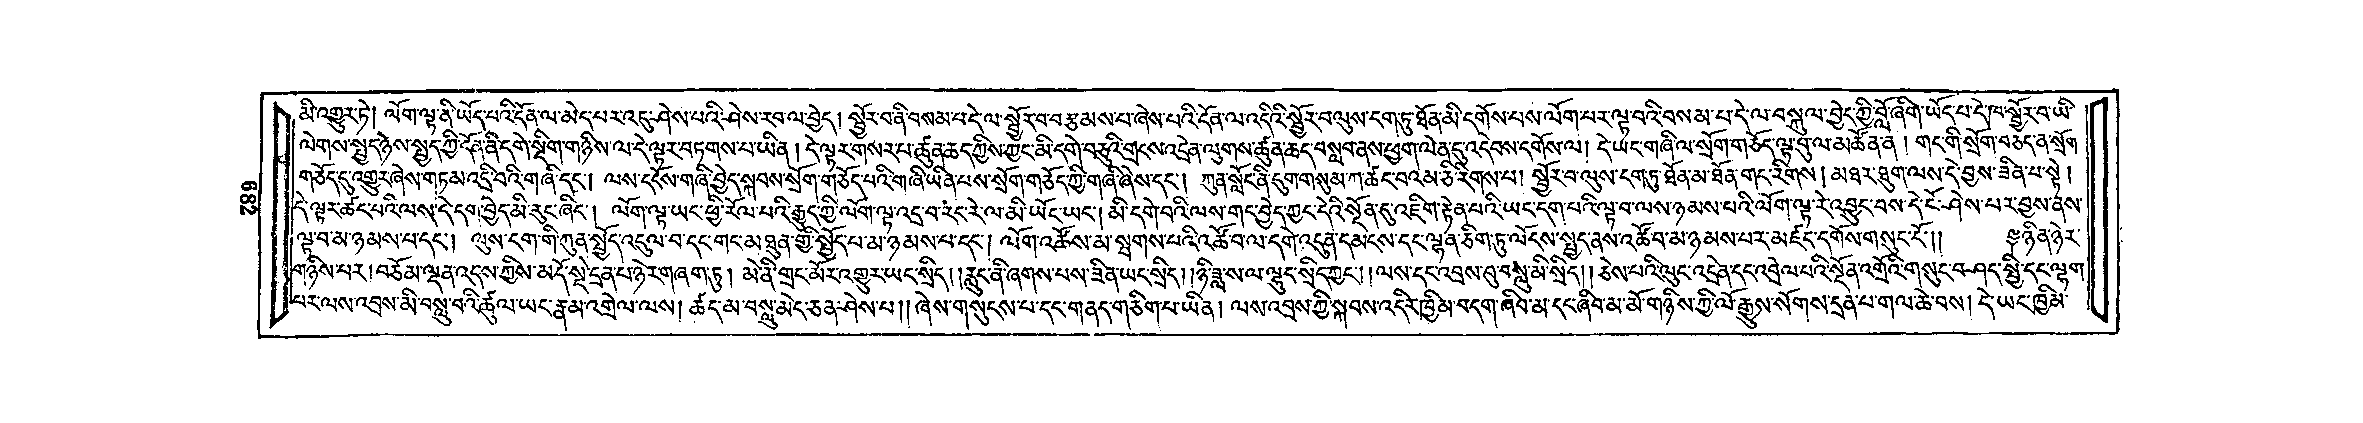མི་འགྱུར་ཏེ། ལོག་ལྟ་ནི་ཡོད་པའི་དོན་ལ་མེད་པར་འདུ་ཤེས་པའི་ཤེས་རབ་ལ་བྱེད། སྦྱོར་བ་ནི་བསམ་པ་དེ་ལ་སྦྱོར་བ་བརྩམས་པ་ཞེས་པའི་དོན་ལ་འདིའི་སྦྱོར་བ་ལུས་ངག་ཏུ་ཐོན་མི་དགོས་པས་ལོག་པར་ལྟ་བའི་བསམ་པ་དེ་ལ་བསྐུལ་བྱེད་ཀྱི་བློ་ཞིག་ཡོད་པ་དེ་ཁ་སྦྱོར་བ་ཡི་
ལེགས་སྤྱད་ཉེས་སྤྱད་ཀྱི་དོན་ནི་དགེ་སྡིག་གཉིས་ལ་དེ་ལྟར་བཏགས་པ་ཡིན། དེ་ལྟར་གསར་པ་ཚུན་ཆད་ཀྱིས་ཀྱང་མི་དགེ་བཅུའི་གྲངས་འདྲེན་ལུགས་ཚུན་ཆད་བསླབ་ནས་ཕྱག་ལེན་དུ་འདེབས་དགོས་ལ། དེ་ཡང་གཞི་ལ་སྲོག་གཅོད་ལྟ་བུ་ལ་མཚོན་ན། གང་གི་སྲོག་བཅད་ན་སྲོག་
གཅོད་དུ་འགྱུར་ཞེས་གཏམ་འདྲི་བའི་གཞི་དང་། ལས་དངོས་གཞི་བྱེད་སྐབས་སྲོག་གཅོད་པའི་གཞི་ཡིན་པས་སྲོག་གཅོད་ཀྱི་གཞི་ཞེས་དང་། ཀུན་སློང་ནི་དུག་གསུམ་ཀ་ཚང་བའམ་ཅི་རིགས་པ། སྦྱོར་བ་ལུས་ངག་ཏུ་ཐོན་མ་ཐོན་གང་རིགས། མཐར་ཐུག་ལས་དེ་བྱས་ཟིན་པ་སྟེ།
དེ་ལྟར་ཚང་པའི་ལས་དེ་དག་བྱེད་མི་རུང་ཞིང་། ལོག་ལྟ་ཡང་ཕྱི་རོལ་པའི་རྒྱུད་ཀྱི་ལོག་ལྟ་འདྲ་བ་རང་རེ་ལ་མི་ཡོང་ཡང་། མི་དགེ་བའི་ལས་གང་བྱེད་ཀྱང་དེའི་སྔོན་དུ་འཇིག་རྟེན་པའི་ཡང་དག་པའི་ལྟ་བ་ལས་ཉམས་པའི་ལོག་ལྟ་རེ་འབྱུང་བས་དེ་ངོ་ཤེས་པར་བྱས་ནས་
ལྟ་བ་མ་ཉམས་པ་དང་། ལུས་ངག་གི་ཀུན་སྤྱོད་འདུལ་བ་དང་གང་མཐུན་གྱི་སྤྱོད་པ་མ་ཉམས་པ་དང་། ལོག་འཚོས་མ་སྦགས་པའི་འཚོ་བ་ལ་དགེ་འདུན་དམངས་དང་ལྷན་ཅིག་ཏུ་ལོངས་སྤྱད་ནས་འཚོ་བ་མ་ཉམས་པར་མཛད་དགོས་གསུང་ངོ། །ཉིན་ཉེར་
གཉིས་པར། བཅོམ་ལྡན་འདས་ཀྱིས་མདོ་སྡེ་དྲན་པ་ཉེར་གཞག་ཏུ། མེ་ནི་གྲང་མོར་འགྱུར་ཡང་སྲིད། །རླུང་ནི་ཞགས་པས་ཟིན་ཡང་སྲིད། །ཉི་ཟླ་ས་ལ་ལྷུང་སྲིད་ཀྱང་། །ལས་དང་འབྲས་བུ་བསླུ་མི་སྲིད། །ཅེས་པའི་ལུང་འདྲེན་དང་འབྲེལ་པའི་སྔོན་འགྲོའི་གསུང་བཤད་སྤྱི་དང་ལྷག་
པར་ལས་འབྲས་མི་བསླུ་བའི་ཚུལ་ཡང་རྣམ་འགྲེལ་ལས། ཚད་མ་བསླུ་མེད་ཅན་ཤེས་པ། །ཞེས་གསུངས་པ་དང་གནད་གཅིག་པ་ཡིན། ལས་འབྲས་ཀྱི་སྐབས་འདིར་ཁྱིམ་བདག་ཞིབ་མ་དང་ཞིབ་མ་མོ་གཉིས་ཀྱི་ལོ་རྒྱུས་སོགས་དྲན་པ་གལ་ཆེ་བས། དེ་ཡང་ཁྱིམ་